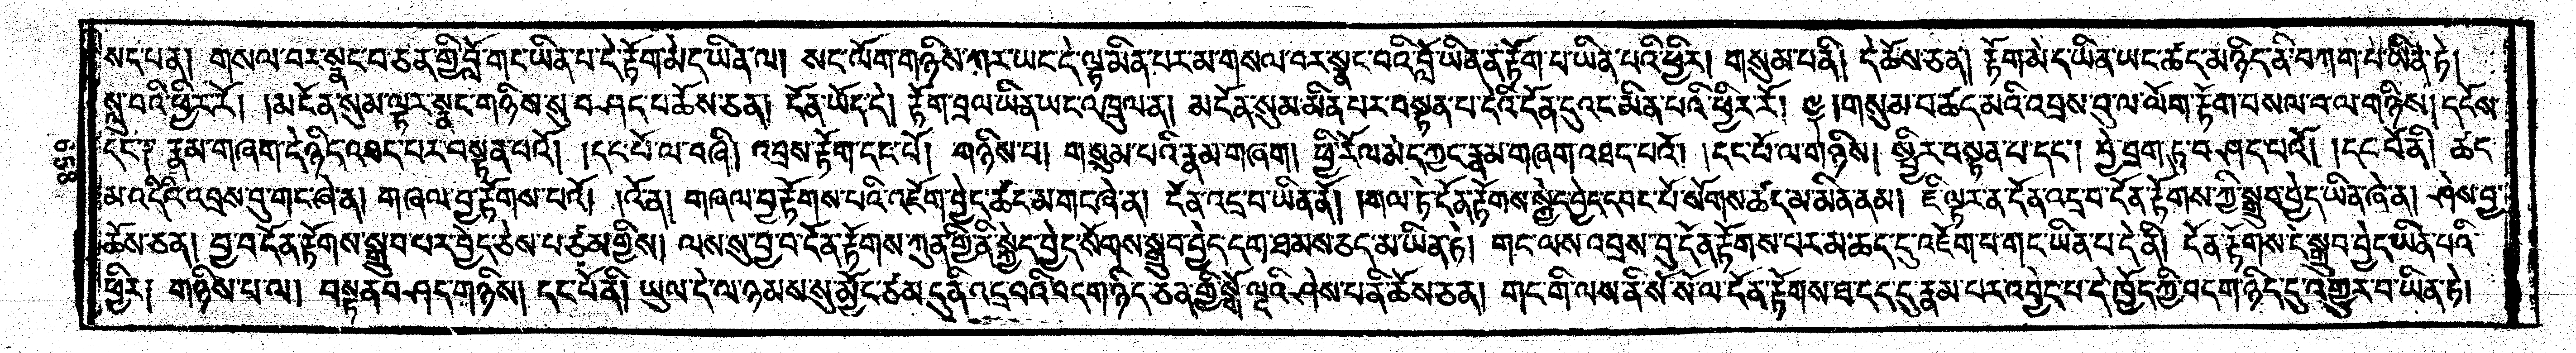སད་པན། གསལ་བར་སྣང་བ་ཅན་གྱི་བློ་གང་ཡིན་པ་དེ་རྟོག་མེད་ཡིན་ལ། སང་ལོག་གཉིས་ཀར་ཡང་དེ་ལྟ་མིན་པར་མ་གསལ་བར་སྣང་བའི་བློ་ཡིན་ན་རྟོག་པ་ཡིན་པའི་ཕྱིར། གསུམ་པ་ནི། དེ་ཆོས་ཅན། རྟོག་མེད་ཡིན་ཡང་ཚད་མ་ཉིད་ནི་བཀག་པ་ཡིན་ཏེ།
སླུ་བའི་ཕྱིར་རོ། །མངོན་སུམ་ལྟར་སྣང་གཉིས་སུ་བཤད་པ་ཆོས་ཅན། དོན་ཡོད་དེ། རྟོག་བྲལ་ཡིན་ཡང་འཁྲུལ་ན། མངོན་སུམ་མིན་པར་བསྟན་པ་དེའི་དོན་དུའང་མིན་པའི་ཕྱིར་རོ། ༈ །གསུམ་བ་ཚད་མའི་འབྲས་བུ་ལ་ལོག་རྟོག་བསལ་བ་ལ་གཉིས། དངོས་
དང༑ རྣམ་གཞག་དེ་ཉིད་འཐད་པར་བསྟན་པའོ། །དང་པོ་ལ་བཞི། འབྲས་རྟོག་དང་པོ། གཉིས་པ། གསུམ་པའི་རྣམ་གཞག། ཕྱི་རོལ་མེད་ཀྱང་རྣམ་གཞག་འཐད་པའོ། །དང་པོ་ལ་གཉིས། སྦྱིར་བསྟན་པ་དང་། བྱེ་བྲག་ཏུ་བཤད་པའོ། །དང་པོ་ནི། ཚང་
མ་འདིའི་འབྲས་བུ་གང་ཞེ་ན། གཞལ་བྱ་རྟོགས་པའོ། །འོ་ན། གཞལ་བྱ་རྟོགས་པའི་འཇོག་བྱེད་ཚང་མ་གང་ཞེ་ན། དོན་འདྲ་བ་ཡིན་ནོ། །གལ་ཏེ་དོན་རྟོགས་སྐྱེད་བྱེད་དབང་པོ་སོགས་ཚད་མ་མིན་ནམ། ཇི་ལྟར་ན་དོན་འདྲ་བ་དོན་རྟོགས་ཀྱི་སྒྲུབ་བྱེད་ཡིན་ཞེ་ན། ཤེས་བྱ་
ཆོས་ཅན། བྱ་བ་དོན་རྟོགས་སྒྲུབ་པར་བྱེད་ཅེས་བ་ཙམ་གྱིས། ལས་སུ་བྱ་བ་དོན་རྟོགས་ཀུན་གྱི་ནི་སྐྱེད་བྱེད་སོགས་སྒྲུབ་བྱེད་དག་ཐམས་ཅད་མ་ཡིན་ཏེ། གང་ལས་འབྲས་བུ་དོན་རྟོགས་པར་མ་ཆད་དུ་འཇོག་པ་གང་ཡིན་པ་དེ་ནི། དོན་རྟོགས་དེ་སྒྲུབ་བྱེད་ཡིན་པའི་
ཕྱིར། གཉིས་པ་ལ། བསྟན་བཤད་གཉིས། དང་པོ་ནི། ཡུལ་དེ་ལ་ཉམས་སུ་མྱོང་ཙམ་དུ་ནི་འདྲ་བའི་བདག་ཉིད་ཅན་གྱི་སྒོ་ལྔའི་ཤེས་པ་ནི་ཆོས་ཅན། གང་གི་ལས་ནི་སོ་སོ་ལ་དོན་རྟོགས་ཐ་དད་དུ་རྣམ་པར་འབྱེད་པ་དེ་ཁྱོད་ཀྱི་བདག་ཉིད་དུ་འགྱུར་བ་ཡིན་ཏེ།